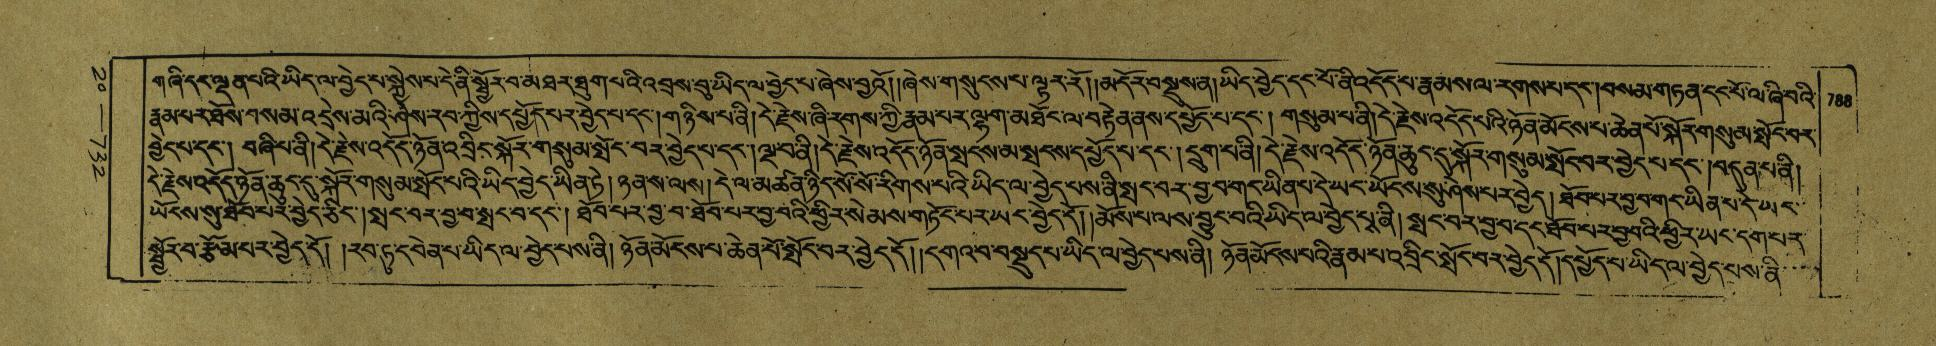གཞི་དང་ལྡན་པའི་ཡིད་ལ་བྱེད་པ་སྐྱེས་པ་དེ་ནི་སྦྱོར་བ་མཐར་ཐུག་པའི་འབྲས་བུ་ཡིད་ལ་བྱེད་པ་ཞེས་བྱའོ། །ཞེས་གསུངས་པ་ལྟར་རོ། །མདོར་བསྡུས་ན། ཡིད་བྱེད་དང་པོ་ནི་འདོད་པ་རྣམས་ལ་རགས་པ་དང་། བསམ་གཏན་དང་པོ་ལ་ཞི་བའི་
རྣམ་པར་ཐོས་བསམ་འདྲེས་མའི་ཤེས་རབ་ཀྱིས་དཔྱོད་པར་བྱེད་པ་དང་། གཉིས་པ་ནི། དེ་རྗེས་ཞི་རགས་ཀྱི་རྣམ་པར་ལྷག་མཐོང་ལ་བརྟེན་ནས་དཔྱོད་པ་དང་། གསུམ་པ་ནི། དེ་རྗེས་འདོད་པའི་ཉོན་མོངས་པ་ཆེན་པོ་སྐོར་གསུམ་སྤོང་བར་
བྱེད་པ་དང་། བཞི་པ་ནི། དེ་རྗེས་འདོད་ཉོན་འབྲིང་སྐོར་གསུམ་སྤོང་བར་བྱེད་པ་དང་། ལྔ་བ་ནི། དེ་རྗེས་འདོད་ཉོན་སྤངས་མ་སྤངས་དཔྱོད་པ་དང་། དྲུག་པ་ནི། དེ་རྗེས་འདོད་ཉོན་ཆུང་ངུ་སྐོར་གསུམ་སྤོང་བར་བྱེད་པ་དང་། བདུན་པ་ནི།
དེ་རྗེས་འདོད་ཉོན་ཆུང་དུ་སྐོར་གསུམ་སྤོང་པའི་ཡིད་བྱེད་ཡིན་ཏེ། ཉན་ས་ལས། དེ་ལ་མཚན་ཉིད་སོ་སོ་རིགས་པའི་ཡིད་ལ་བྱེད་པས་ནི་སྤང་བར་བྱ་བ་གང་ཡིན་པ་དེ་ཡང་ཡོངས་སུ་ཤེས་པར་བྱེད། ཐོབ་པར་བྱ་བ་གང་ཡིན་པ་དེ་ཡང་
ཡོངས་སུ་ཐོབ་པར་བྱེད་ཅིང་། སྤང་བར་བྱ་བ་སྤང་བ་དང་། ཐོབ་པར་བྱ་བ་ཐོབ་པར་བྱ་བའི་ཕྱིར་སེམས་གཏོང་པར་ཡང་བྱེད་དོ། །མོས་པ་ལས་བྱུང་བའི་ཡིད་ལ་བྱེད་པས་ནི། སྤང་བར་བྱ་བ་དང་ཐོབ་པར་བྱ་བའི་ཕྱིར་ཡང་དག་པར་
སྦྱོར་བ་རྩོམ་པར་བྱེད་དོ། །རབ་ཏུ་དབེན་པ་ཡིད་ལ་བྱེད་པས་ནི། ཉོན་མོངས་པ་ཆེན་པོ་སྤོང་བར་བྱེད་དོ། །དགའ་བ་བསྡུད་པ་ཡིད་ལ་བྱེད་པས་ནི། ཉོན་མོངས་པའི་རྣམ་པ་འབྲིང་སྤོང་བར་བྱེད་དོ། དཔྱོད་པ་ཡིད་ལ་བྱེད་པས་ནི་